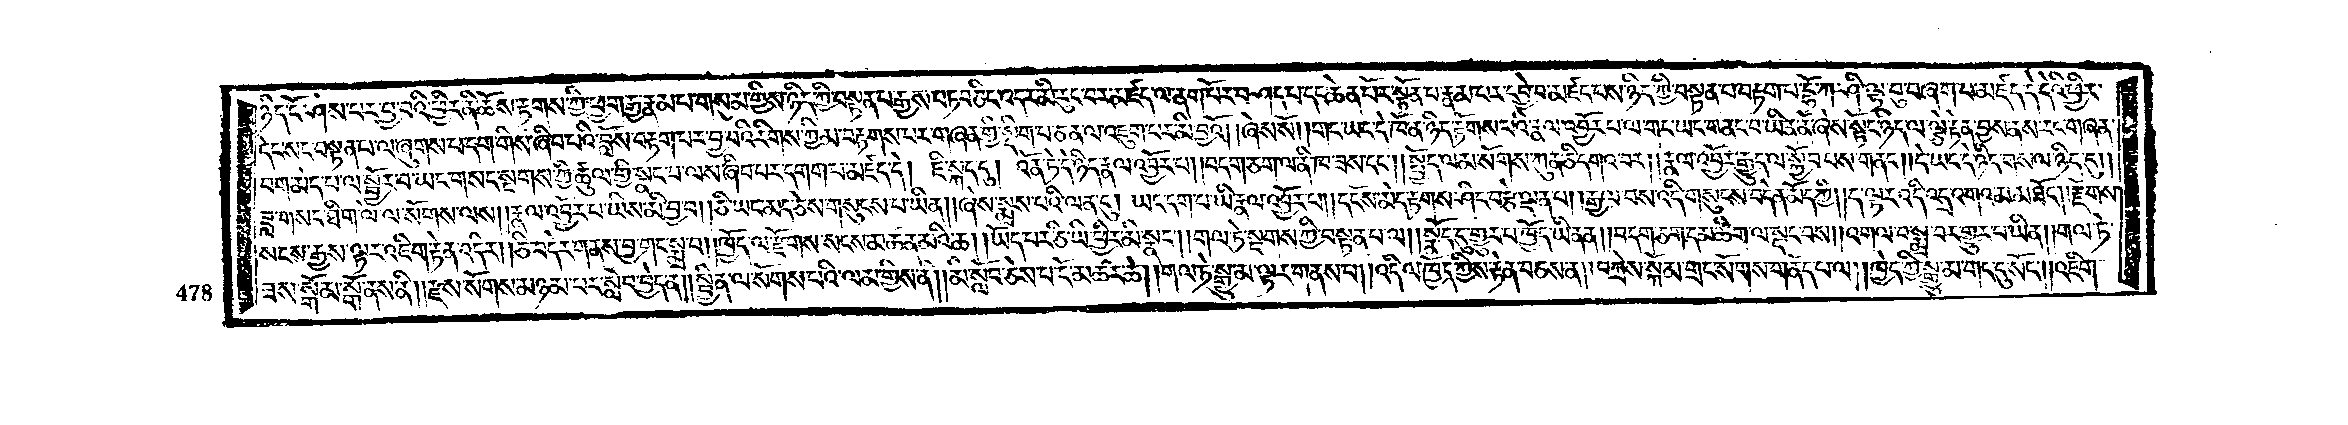ཉིད་ངོ་ཤེས་པར་བྱ་བའི་ཕྱིར་ནི་ཆོས་རྟགས་ཀྱི་ཕྱག་རྒྱ་རྣམ་པ་གསུམ་གྱིས་ཉིད་ཀྱི་བསྟན་པ་རྒྱས་བཏབ་ཅིང་འདར་མི་རུང་བར་མཛད་ལ་ནག་པོར་བཤད་པ་དང་ཆེན་པོར་སྟོན་པ་རྣམ་པར་དབྱེ་བ་མཛད་པས་ཉིད་ཀྱི་བསྟན་པ་བརྟག་པ་དྷོ་ཀ་ཤི་ལྟ་བུ་བཞག་པ་མཛད་དེ་དེའི་ཕྱིར་
དེང་སང་བསྟན་པ་ལ་ཞུགས་པ་དག་གིས་ཞིབ་པའི་བློས་བརྟག་པར་བྱ་བའི་རིགས་ཀྱི་མ་བརྟགས་པར་གཞན་གྱི་སྡིག་པ་ཅན་ལ་འཇུག་པར་མི་བྱའོ། །ཞེས་སོ། །གང་ཡང་དེ་ཁོ་ན་ཉིད་རྟོགས་པའི་རྣལ་འབྱོར་པ་ལ་གང་ཡང་གནང་བ་ཡིན་ནོ་ཞེས་སྟོང་ཉིད་ལ་ལྕེ་རྟེན་བྱས་ནས་རང་གཞན་
བག་མེད་པ་ལ་སྦྱོར་བ་ཡང་གསང་སྔགས་ཀྱི་ཚུལ་གྱི་སྣང་པ་ལས་ཞིབ་པར་དགག་པ་མཛད་དེ། ཇི་སྐད་དུ། འོན་ཏེ་དེ་ཉིད་རྣལ་འབྱོར་པ། །བདག་ཅག་ལ་ནི་ཁ་ཟས་དང་། །སྤྱོད་ལམ་སོགས་ཀུན་ཅི་དགའ་བར། །རྣལ་འབྱོར་རྒྱུད་ལ་སྐྱོབ་པས་གནང་། །དེ་ཡང་དེ་ཉིད་གསལ་ཉིད་དུ།།
ཟླ་གསང་ཐིག་ལེ་ལ་སོགས་ལས། །རྣལ་འབྱོར་པ་ཡིས་མི་བྱ་བ། །ཅི་ཡང་མད་ཅེས་གསུངས་པ་ཡིན། །ཞེས་སྨྲས་པའི་ལན་དུ། ཡང་དག་པ་ཡི་རྣལ་འབྱོར་པ། །དངོས་མེད་རྟགས་ཤིང་བརྩེ་ལྡན་པ། །རྒྱལ་བས་འདི་གསུངས་བདེན་མོད་ཀྱི། །ད་ལྟར་འདི་འདྲ་འགའ་མ་མཐོང་། །རྫོགས་
སངས་རྒྱས་ལྟར་འཇིག་རྟེན་འདིར། །ཅི་བདེར་གནས་བྱ་གང་སྨྲ་བ། །ཁྱོད་ལ་རྫོགས་སངས་མཚན་མའི་ཆ། །ཡོད་པར་ཅི་ཡི་ཕྱིར་མི་སྣང་། །གལ་ཏེ་སྔགས་ཀྱི་བསྟན་པ་ལ། །སྣོད་དུ་གྱུར་པ་ཁྱོད་ཡིན་ན། །བདག་ཅག་དམ་ཚིག་ལ་སྡང་བས། །འགལ་བ་སྨྲ་བར་གྱུར་པ་ཡིན། །གལ་ཏེ་
ཟས་སྒོམ་སྒོ་ནས་ནི། །རྫས་སོགས་མཉམ་པར་སླེབ་བྱེད་ན། །སྦྱིན་ལ་སོགས་པའི་ལམ་གྱིས་ནི། །མི་སློབ་ཅེས་པ་ངོ་མཚར་ཆེ། །གལ་ཏེ་སྒྱུ་མ་ལྟར་གནས་པ། །འདི་ལ་ཁྱོད་ཀྱིས་རྟེན་བཅས་ན། །བཀྲེས་སྐོམ་གྲང་སོགས་གནོད་པ་ལ། །ཁྱེད་ཀྱི་སྒྱུ་མ་གང་དུ་སོང་། །འཇིག་